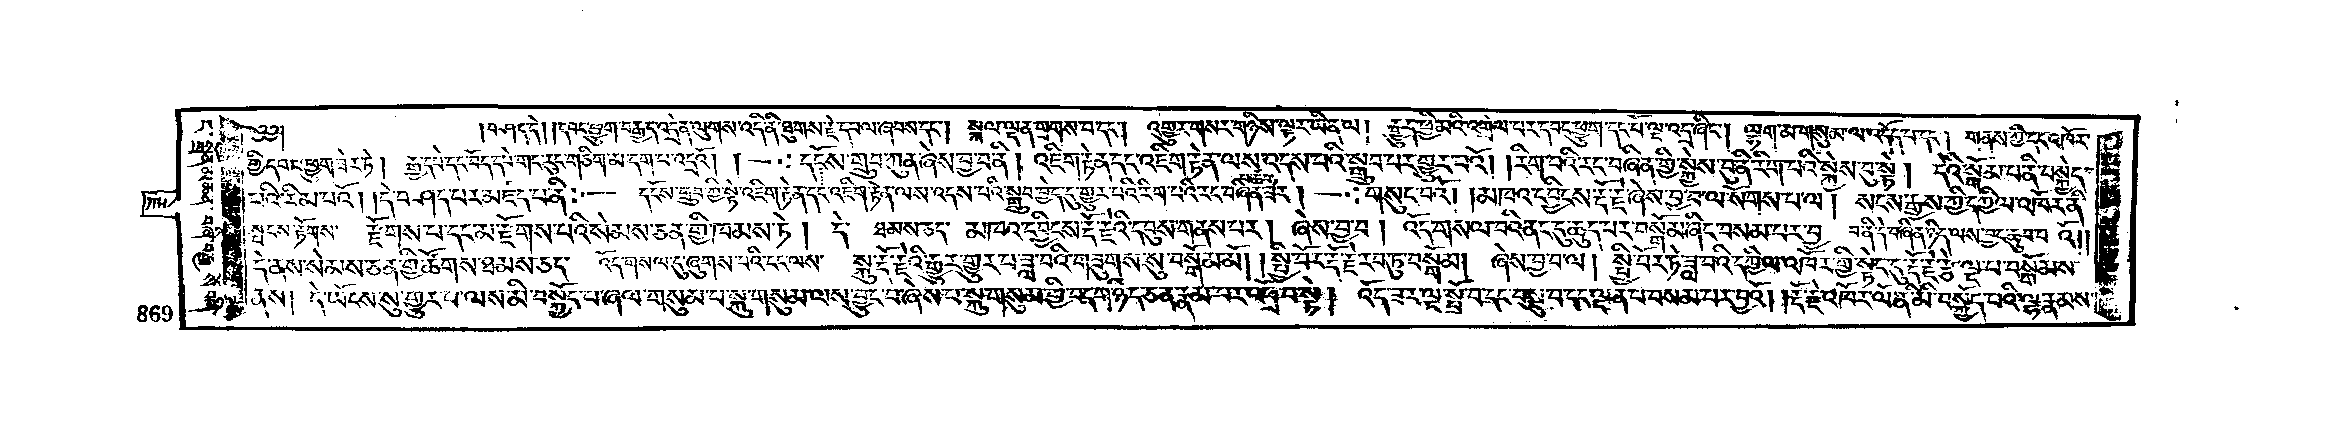༄༅། །བཤད་དེ། །དབང་ཕྱུག་བརྒྱད་འདྲེན་ལུགས་འདི་ནི་ཐུགས་རྗེ་དཔལ་ཞབས་དང་། སྐལ་ལྡན་གྲགས་པ་དང་། འགྱུར་གསར་གཉིས་ལྟར་ཡིན་ལ། རྒྱུད་ཕྱི་མའི་འགྲེལ་པར་དབང་ཕྱུག་དང་པོ་ལྔ་འདྲ་ཞིང་། ལྷག་མ་གསུམ་ལ་འདོད་པ་དང་། གནས་ཀྱི་དང་འཁོར་
གྱི་དབང་ཕྱུག་ཟེར་ཏེ། རྒྱ་དཔེ་དང་བོད་དཔེ་གང་རུང་གཅིག་མ་དག་པ་འདྲའོ། ། .Hདངོས་གྲུབ་ཀུན་ཞེས་བྱ་བ་ནི། འཇིག་རྟེན་དང་འཇིག་རྟེན་ལས་འདས་པའི་སྒྲུབ་པར་གྱུར་པའོ། །རིག་པའི་རང་བཞིན་གྱི་སྐྱེས་བུ་ནི་རིག་པའི་སྐྱེས་བུ་སྟེ། དེའི་སྒོམ་པ་ནི་བསྐྱེད་
པའི་རིམ་པའོ། །དེ་བཤད་པར་མཛད་པ་ནིཿ་དངོས་གྲུབ་ཀྱི་སྟེ་འཇིག་རྟེན་དང་འཇིག་རྟེན་ལས་འདས་པའི་སྒྲུབ་བྱེད་དུ་གྱུར་པའི་རིག་པའི་རང་བཞིན་པ་ཚབ་ཟེར།  .Hགསུང་བའོ། །མཁའ་དབྱིངས་རྡོ་རྗེ་ཞེས་བྱ་བ་ལ་སོགས་པ་ལ། སངས་རྒྱས་ཀྱི་དཀྱིལ་འཁོར་ནི་
སྤངས་རྟོགས་རྫོགས་པ་དང་མ་རྫོགས་པའི་སེམས་ཅན་གྱི་ཁམས་ཏེ། དེ་ཐམས་ཅད་མཁའ་དབྱིངས་རྡོ་རྗེའི་དབུས་གནས་པར། ཞེས་བྱ་བ། འོད་གསལ་བའི་ནང་དུ་ཆུད་པར་བསྒོམ་ཞིང་བསམ་པར་བྱ་བ་ནི་དེ་བཞིན་ཉིད་ལས་བྱང་ཆུབ་པའོ། །
དེ་ནས་སེམས་ཅན་གྱི་ཚོགས་ཐམས་ཅད་འོད་གསལ་དུ་ཞུགས་པའི་ངང་ལས་སྐུ་རྡོ་རྗེའི་རྒྱུར་གྱུར་པ་ཟླ་བའི་གཟུགས་སུ་བསྒོམ་མོ། །སྤྱི་བོར་རྡོ་རྗེ་རབ་ཏུ་བསྒོམ། ཞེས་བྱ་བ་ལ། སྤྱི་བོར་ཏེ་ཟླ་བའི་དཀྱིལ་འཁོར་གྱི་སྟེང་དུ་རྡོ་རྗེ་རྩེ་ལྔ་པ་བསྒོམས་
ནས། དེ་ཡོངས་སུ་གྱུར་པ་ལས་མི་བསྐྱོད་པ་ཞལ་གསུམ་པ་སྐུ་གསུམ་ལས་བྱུང་བ་ཞེས་པ་སྐུ་གསུམ་གྱི་བདག་ཉིད་ཅན་རྣམ་པར་འཕྲོ་བ་སྟེ། འོད་ཟེར་ལྔ་སྤྲོ་བ་དང་བསྡུ་བ་དང་ལྡན་པ་བསམ་པར་བྱའོ། །རྡོ་རྗེ་འཁོར་ལོ་ནི་མི་བསྐྱོད་པའི་ལྷ་རྣམས་